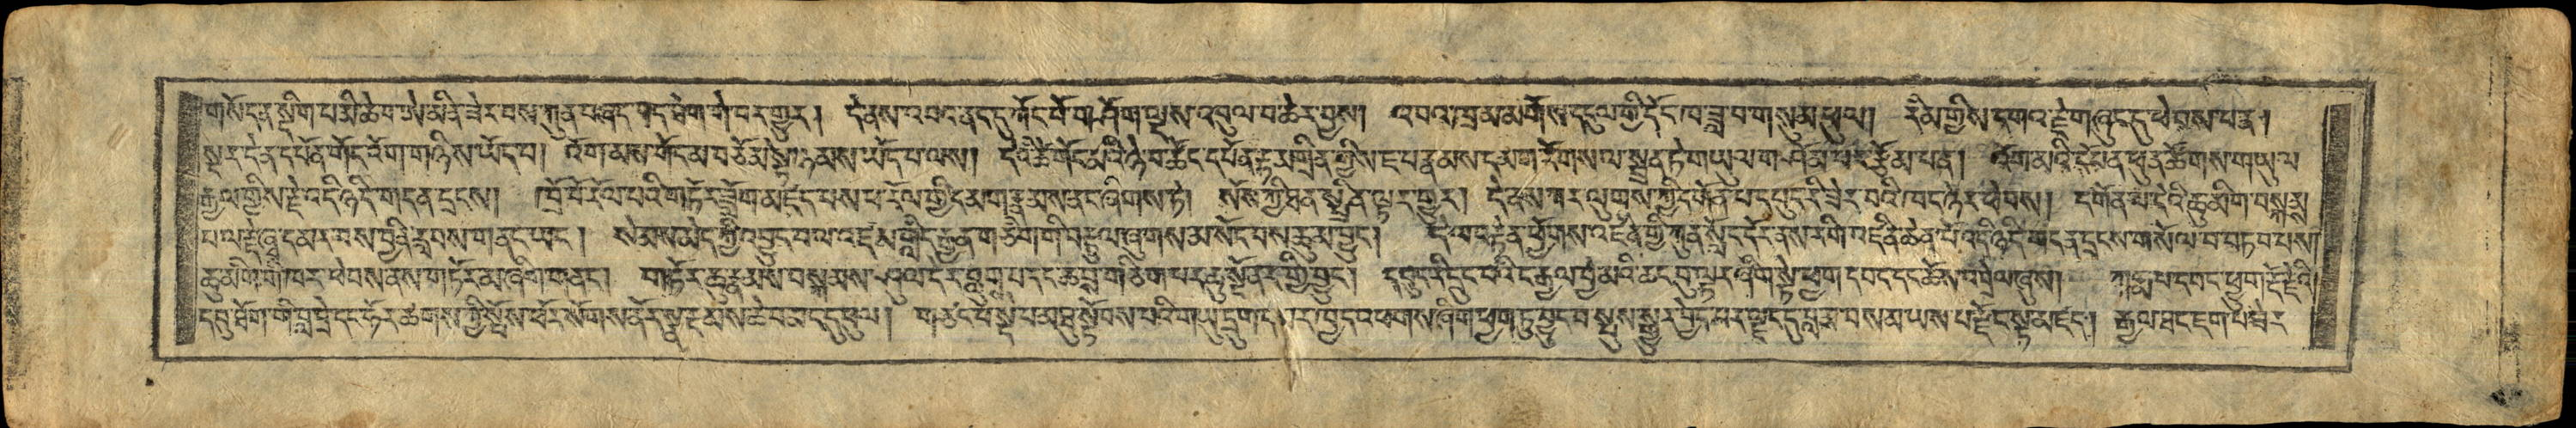གསོང་ནུ་སྡིག་པ་མི་ཆེབ་ཨེ་མིན་ཟེར་བས་ཀུན་བཞད་གད་ཐེག་གེ་བར་གྱུར༑ དེ་ནས་འབའ་ནང་དུ་ཀོང་པོ་གཤོག་ལྔས་འབུལ་བ་ཆེར་བྱས། འབའ༑ བྲམ་མགོས་དངུལ་གྱི་དོང་ཁ་ཟླ་བ་གསུམ་ཕུལ། རིམ་གྱིས་དགའ་རྗེ་གཞུང་དུ་ཕེབས་པ་ན།
སྔར་དེ་ན་དཔོན་གོང་འོག་གཉིས་ཡོད་པ། འོག་མས་གོང་མ་བཅོམ་སྟེ་ཉམས་ཡོད་པ་ལས། དེའི་ཚེ་གོང་མའི་ཉེ་བ་ཚོད་དཔོན་རྟ་མགྲིན་གྱིས་ཇ་པ་རྣམས་དམག་རོགས་ལ་སྦྲན་ཏེ་གཡུལ་གཤོམ་པར་རྩོམ་པ་ན། འོག་མའི་དཔོན་ཕུན་ཚོགས་གཡུལ་
རྒྱལ་གྱིས་རྗེ་འདི་ཉིད་གདན་དྲངས། ཁྲོ་བོ་རོལ་པའི་གཏོར་ཟློག་མཛད་པས་ཕ་རོལ་གྱི་དམག་རྣམས་ནང་ཞགས་ཏེ། སོས་ཀྱི་ཐན་སྤྲིན་ལྟར་གྱུར། དེ་ནས་གར་ལུགས་ཀྱི་དགོན་པ་དཔུང་རི་ཟེར་བའི་ཁང་ཉེར་ཕེབས། དགོན་པ་ངེའི་ཆུ་མིག་བསྐམས་
པ་ལ་རྗེ་ཞྭ་དམར་བས་བྱིན་རླབས་གནང་ཡང་། སེམས་མེད་ཀྱི་འབྱུང་བ་ལ་འཛམ་གླིང་རྒྱན་གཅིག་གི་བརྟུལ་ཞུགས་མ་སོང་བས་ཆུ་མ་བྱུང་། དེ་ལ་བརྟེན་ཕྱོགས་འཛིན་གྱི་ཀུན་སློང་དོར་ནས་རིག་འཛིན་ཆེན་པོ་འདི་ཉིད་གདན་དྲངས་གསོལ་བ་བཏབ་པས།
ཆུ་མིག་གི་ཁར་ཕེབས་ནས་གཏོར་མ་ཞིག་གནང་། གཏོར་ཆུ་རྣམས་བསྐམས་ཤུལ་དེར་བླུགས་པ་དང་ཆབས་གཅིག་བར་ཆུ་སྔོ་ནར་གྱི་བྱུང་། དཔུང་རི་དྲུང་པའི་ང་རྒྱལ་བྱེ་མའི་ཆང་བུ་ལྟར་ཞིག་སྟེ་ཕྱག་དབང་དང་ཆོས་འབྲེལ་ཞུས། ཀརྨ་པ་དབང་ཕྱུག་རྡོ་རྗེའི།
དབུ་ཐོག་གི་བླ་བྲེ་དང་ཧོར་ཚགས་ཀྱི་སྤོས་ཕོར་སོགས་ནོར་སྣ་རྡམས་ཆེ་བ་མང་དུ་ཕུལ། གཙང་པ་སྡེ་པ་མཐུ་སྟོབས་པའི་གཡུ་དྲུག་དཀར་ཁྱད་འཕགས་ཞིག་ཕྱག་ཏུ་བྱུང་བ་སྤུས་སྒྱུར་བྱེད་པར་ལྗང་དུ་བླ་མ་བསམ་ཡས་པ་རྫོང་སྟ་མཛད། རྒྱལ་ཐང་ཇག་པ་ཟེར་